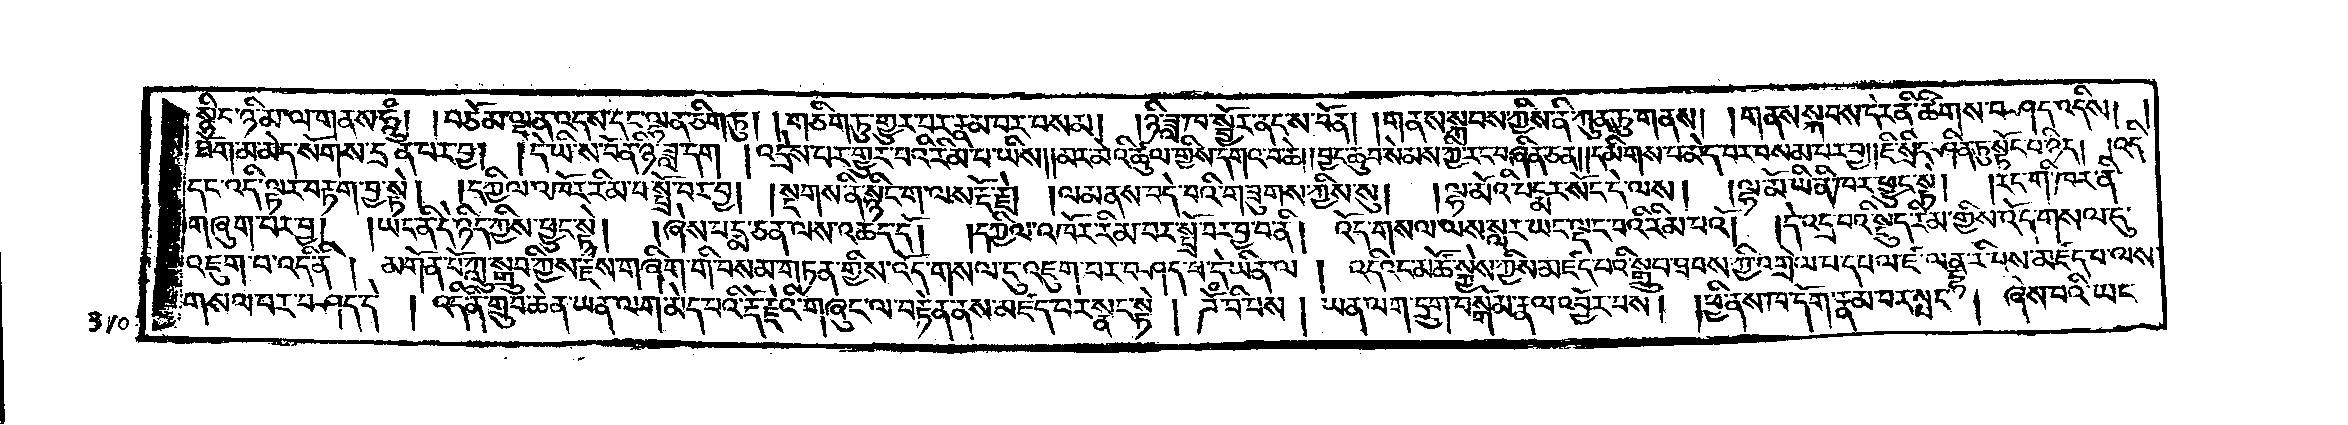སྙིང་ཉི་མ་ལ་གནས་ཧཱུཾ། །བཅོམ་ལྡན་འདས་དང་ལྷན་ཅིག་ཏུ། །གཅིག་ཏུ་གྱུར་པར་རྣམ་པར་བསམ། །ཉི་ཟླ་ཁ་སྦྱོར་ནད་ས་བོན། །གནས་སྐབས་ཀྱིས་ནི་ཀུན་ཏུ་གནས། །གནས་སྐབས་དེར་ནི་ཚིགས་བཤད་འདིས། །
ཐོག་མ་མེད་སོགས་དྲན་པར་བྱ། །དེ་ཡི་ས་བོན་ཉི་ཟླ་དག །འདྲེས་པར་གྱུར་པའི་རིམ་པ་ཡིས། །མར་མེའི་ཚུལ་གྱིས་དགའ་བ་ཆེ། །བྱང་ཆུབ་སེམས་ཀྱི་རང་བཞིན་ཅན། །དམིགས་པ་མེད་པར་བསམ་པར་བྱ། །ཇི་སྲིད་ཤིན་ཏུ་སྟོང་པ་ཉིད། །འདི་
དང་འདི་ལྟར་བརྟག་བྱ་སྟེ། །དཀྱིལ་འཁོར་རིམ་པ་སྤྲོ་བར་བྱ། །སྔགས་ནི་སྙིང་ག་ལས་རྡོ་རྗེ། །ལམ་ནས་བདེ་བའི་གཟུགས་ཀྱིས་སུ། །ལྷ་མོའི་པདམར་སོང་དེ་ལས། །ལྷ་མོ་ཡི་ནི་ཁར་ཕྱུང་སྟེ། །རང་གི་ཁར་ནི་
གཞུག་པར་བྱ། །ཡང་ནི་དེ་ཉིད་ཀྱིས་ཕྱུང་སྟེ། །ཞེས་པདམ་ཅན་ལས་འཆད་དོ། །དཀྱིལ་འཁོར་རིམ་པར་སྤྲོ་བར་བྱ་བ་ནི། འོད་གསལ་ལས་སླར་ཡང་ལྡང་བའི་རིམ་པའོ། །དེ་འདྲ་བའི་སྡུད་རིམ་གྱིས་འོད་གསལ་དུ་
འཇུག་པ་འདི་ནི། མགོན་པོ་ཀླུ་སྒྲུབ་ཀྱིས་རྗེས་གཞིག་གི་བསམ་གཏན་གྱིས་འོད་གསལ་དུ་འཇུག་པར་བཤད་པ་དེ་ཡིན་ལ། འདིའང་མཚོ་སྐྱེས་ཀྱིས་མཛད་པའི་སྒྲུབ་ཐབས་ཀྱི་འགྲེལ་པ་དཔལ་ཛ་ལནྡྷ་རི་པས་མཛད་པ་ལས་
གསལ་བར་བཤད་དེ། འདི་ནི་གྲུབ་ཆེན་ཡན་ལག་མེད་པའི་རྡོ་རྗེའི་གཞུང་ལ་བརྟེན་ནས་མཛད་པར་སྣང་སྟེ། ཌོཾ་བི་པས། ཡན་ལག་དྲུག་བསྒོམ་རྣལ་འབྱོར་པས། །ཕྱི་ནས་ཁ་དོག་རྣམ་པར་སྤང་། ཞེས་པའི་ཡང་